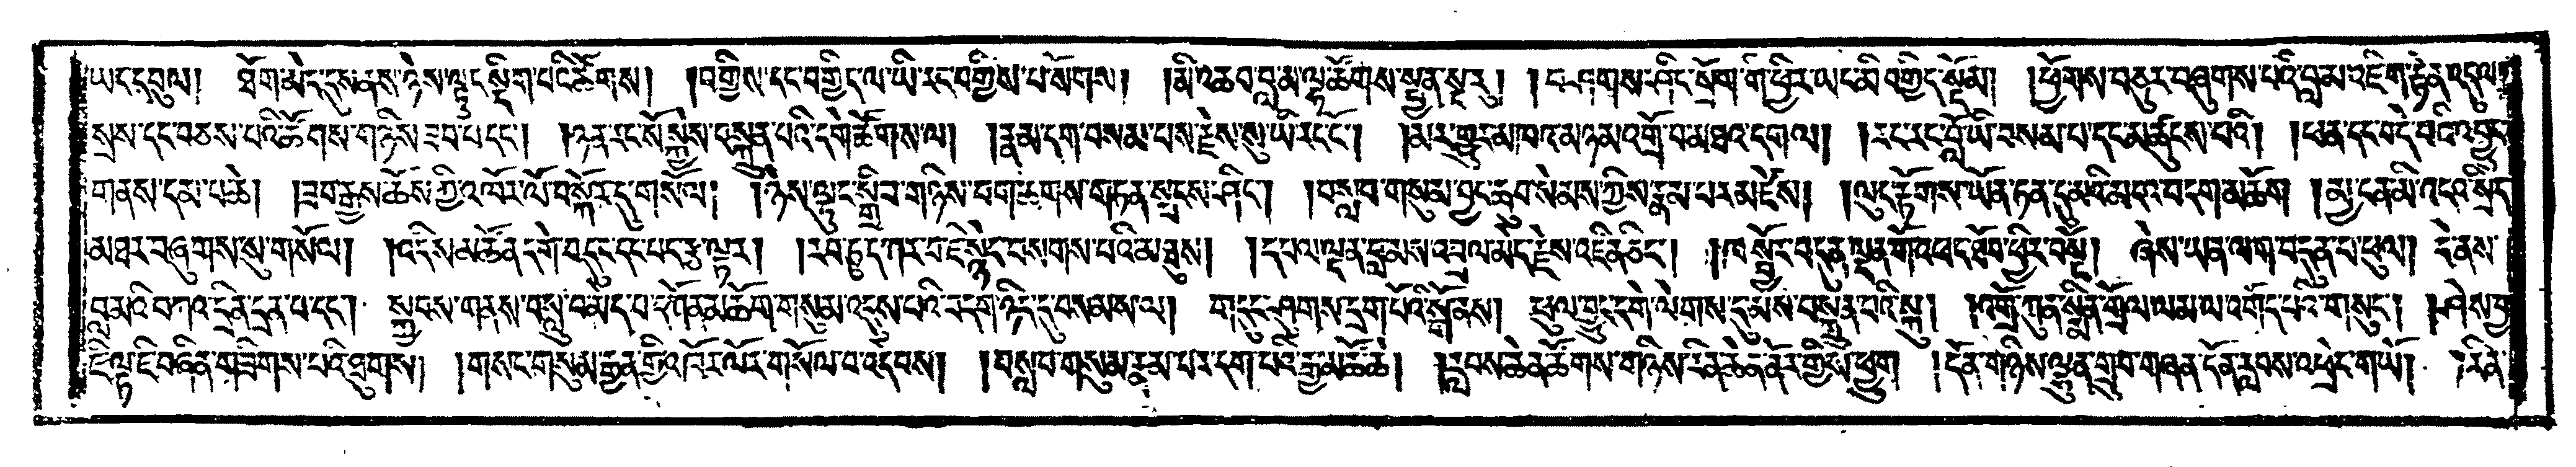ཡང་དབུལ། ཐོག་མེད་དུས་ནས་ཉེས་ལྟུང་སྡིག་པའི་ཚོགས། །བགྱིས་དང་བགྱིད་ལ་ཡི་རང་བགྱིས་པ་སོགས། །མི་འཆབ་བླ་མ་ལྷ་ཚོགས་སྤྱན་སྔ་རུ། །བཤགས་ཤིང་སྲོག་གི་ཕྱིར་ཡང་མི་བགྱིད་སྡོམ། །ཕྱོགས་བཅུར་བཞུགས་པའི་བླ་མ་འཇིག་རྟེན་འདུལ་
སྲས་དང་བཅས་པའི་ཚོགས་གཉིས་ཟབ་པ་དང་། །ཉན་རང་སོ་སྐྱེས་བསྐྲུན་པའི་དགེ་ཚོགས་ལ། །རྣམ་དག་བསམ་པས་རྗེས་སུ་ཡི་རང་ངོ། །མར་གྱུར་མཁའ་མཉམ་འགྲོ་བ་མཐའ་དག་ལ། །རང་རང་བློ་ཡི་བསམ་པ་དང་མཚུངས་པའི། །ཕན་དང་བདེ་བའི་འབྱང་
གནས་དམ་པ་ཆེ། །ཟབ་རྒྱས་ཆོས་ཀྱི་འཁོར་ལོ་བསྐོར་དུ་གསོལ། །ཉེས་ལྟུང་སྒྲིབ་གཉིས་བག་ཆགས་གཏན་སྤངས་ཤིང་། །བསླབ་གསུམ་བྱང་ཆུབ་སེམས་ཀྱིས་རྣམ་པར་མཛེས། །ལུང་རྟོགས་ཡོན་ཏན་དུ་མའི་མངའ་བདག་མཆོག །མྱ་ངན་མི་འདའ་སྲིད་
མཐར་བཞུགས་སུ་གསོལ། །འདིས་མཚོན་དགེ་བ་དུང་དང་པད་རྩ་ལྟར། །རབ་ཏུ་དཀར་བ་ཇི་སྙེད་བསགས་པའི་མཐུས། །དཔལ་ལྡན་བླ་མས་འབྲལ་མེད་རྗེས་འཛིན་ཅིང་། །ཁ་སྦྱོར་བདུན་ལྡན་གོ་འཕང་ཐོབ་ཕྱིར་བསྔོ། ཞེས་ཡན་ལག་བདུན་པ་ཕུལ། དེ་ནས་
བླ་མའི་བཀའ་དྲིན་དྲན་པ་དང་། སྐྱབས་གནས་བསླུ་བ་མེད་པ་དཀོན་མཆོག་གསུམ་འདུས་པའི་བདག་ཉིད་དུ་བསམས་ལ། གདུང་ཤུགས་དྲག་པོའི་སྒོ་ནས། ཕུལ་བྱུང་དགེ་ལེགས་དུ་མས་བསྐྲུན་པའི་སྐུ། །འགྲོ་ཀུན་སྨིན་གྲོལ་ལམ་ལ་འགོད་པའི་གསུང་། །ཤེས་བྱ་
ཇི་ལྟ་ཇི་བཞིན་འཇིགས་པའི་ཐུགས། །གསང་གསུམ་རྒྱན་གྱི་འཁོར་ལོར་གསོལ་བ་འདེབས། །བསླབ་གསུམ་རྣམ་པར་དག་པའི་རྒྱ་མཚོ་ཆེ། །རླབས་ཆེན་ཚོགས་གཉིས་རིན་ཆེན་ནོར་གྱིས་ཕྱུག །དོན་གཉིས་ལྷུན་གྲུབ་གཞན་དོན་རླབས་འཕྲེང་གཡོ། །རིན་